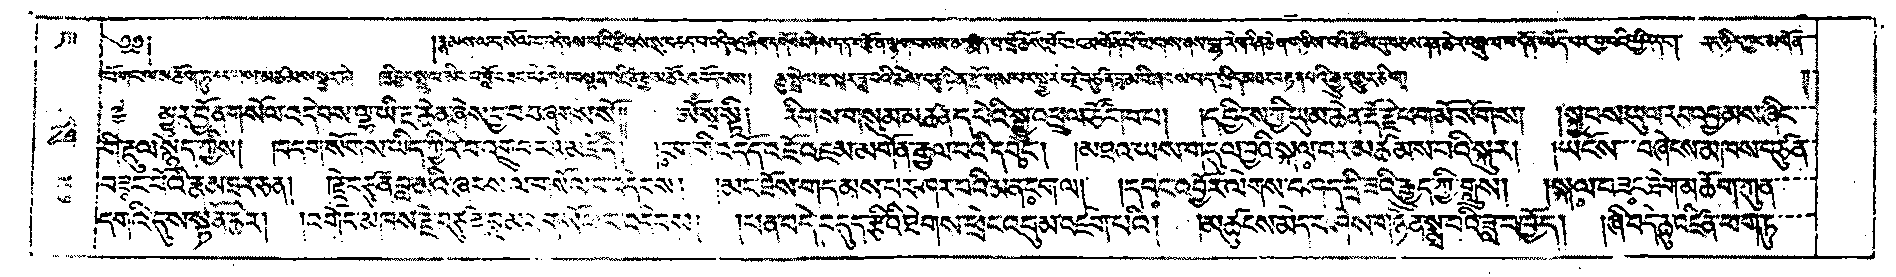༄༅། །རྣམས་ལ་གསོལ་བ་འདེབས་པའི་ཚིགས་སུ་བཅད་པ་འདི་འདྲ་ཞིག་དགོས་ཞེས་དད་བརྩོན་ལྷག་བསམ་མ་སྨད་པ་གྲོ་ཆོས་བློ་བཟང་མགོན་པོ་ལགས་ནས་ལྷ་རེག་རིན་ཆེན་གཉིས་པའི་ཚོམ་བུ་བཅས་ནན་ཆེར་བསྐུལ་བ་དོན་ཡོད་པར་བྱ་བའི་ཕྱིར་དང་། རང་ཉིད་ཀྱང་མགོན་
པོ་གང་ལ་མཆོག་ཏུ་དད་པས་མཚམས་སྦྱར་ཏེ། ཁྲི་བྱང་སྤྲུལ་མིང་པ་བློ་བཟང་ཡེ་ཤེས་བསྟན་འཛིན་རྒྱ་མཚོར་འབོད་པས། ཆུ་སྤྲེལ་ཐ་སྐར་ཟླ་བའི་ཚེས་བཅུ་ཉིན་རྫོགས་པར་སྦྱར་བ་རྗེ་བཙུན་བླ་མའི་ཞབས་པད་སྲིད་མཐར་བརྟན་པའི་རྒྱུར་གྱུར་ཅིག ། །།
༈ མྱུར་བྱོན་གསོལ་འདེབས་ལྷ་ཡི་རྔ་ཆེན་ཞེས་བྱ་བ་བཞུགས་སོ།། ཨོཾ་སྭ་སྟི། རིགས་གསུམ་མཚན་དཔེའི་སྒྱུ་འཕྲུལ་ཙོང་ཁ་པ། །དབྱིངས་ཀྱི་ཡུམ་ཆེན་རྡོ་རྗེ་ཕག་མོ་སོགས། །སྐྱབས་ཡུལ་རབ་འབྱམས་ཞིང་
གི་རྡུལ་སྙེད་ཀྱིས། །བདག་སོགས་ཡིད་ཀྱི་རེ་བ་འགྲུབ་པར་མཛོད། །ངག་གི་འདོད་འཇོ་འཇམ་མགོན་རྒྱལ་བའི་དབང་། །མཐའ་ཡས་གདུལ་བྱའི་སྐལ་བར་མཚམས་པའི་སྐུར། །ཡོངས་བཞེངས་མཁས་བཙུན་
བཟང་པོའི་རྣམ་ཐར་ཅན། །རྗེ་བཙུན་བླ་མའི་ཞབས་ལ་གསོལ་བ་འདེབས། །མང་ཐོས་གདམས་པར་ཤར་བའི་མན་ངག་ལ། །དབང་འབྱོར་ལེགས་བཤད་དྲི་ཟའི་རྒྱུད་ཀྱི་གླུས། །སྐལ་བཟང་ཐེག་མཆོག་ཀུན་
དགའི་དུས་སྟོན་ཆེར། །འགོད་མཁས་རྗེ་བཙུན་བླ་མར་གསོལ་བ་འདེབས། །ཕན་བདེ་བདུད་རྩིའི་ཐེགས་འཕྲེང་འབུམ་འཛག་པའི། །མཚུངས་མེད་བཤེས་གཉེན་སྨྲ་བའི་ཟླ་བ་ཁྱོད། །ཞི་བདེ་ཆུ་འཛིན་ཕག་ཏུ་